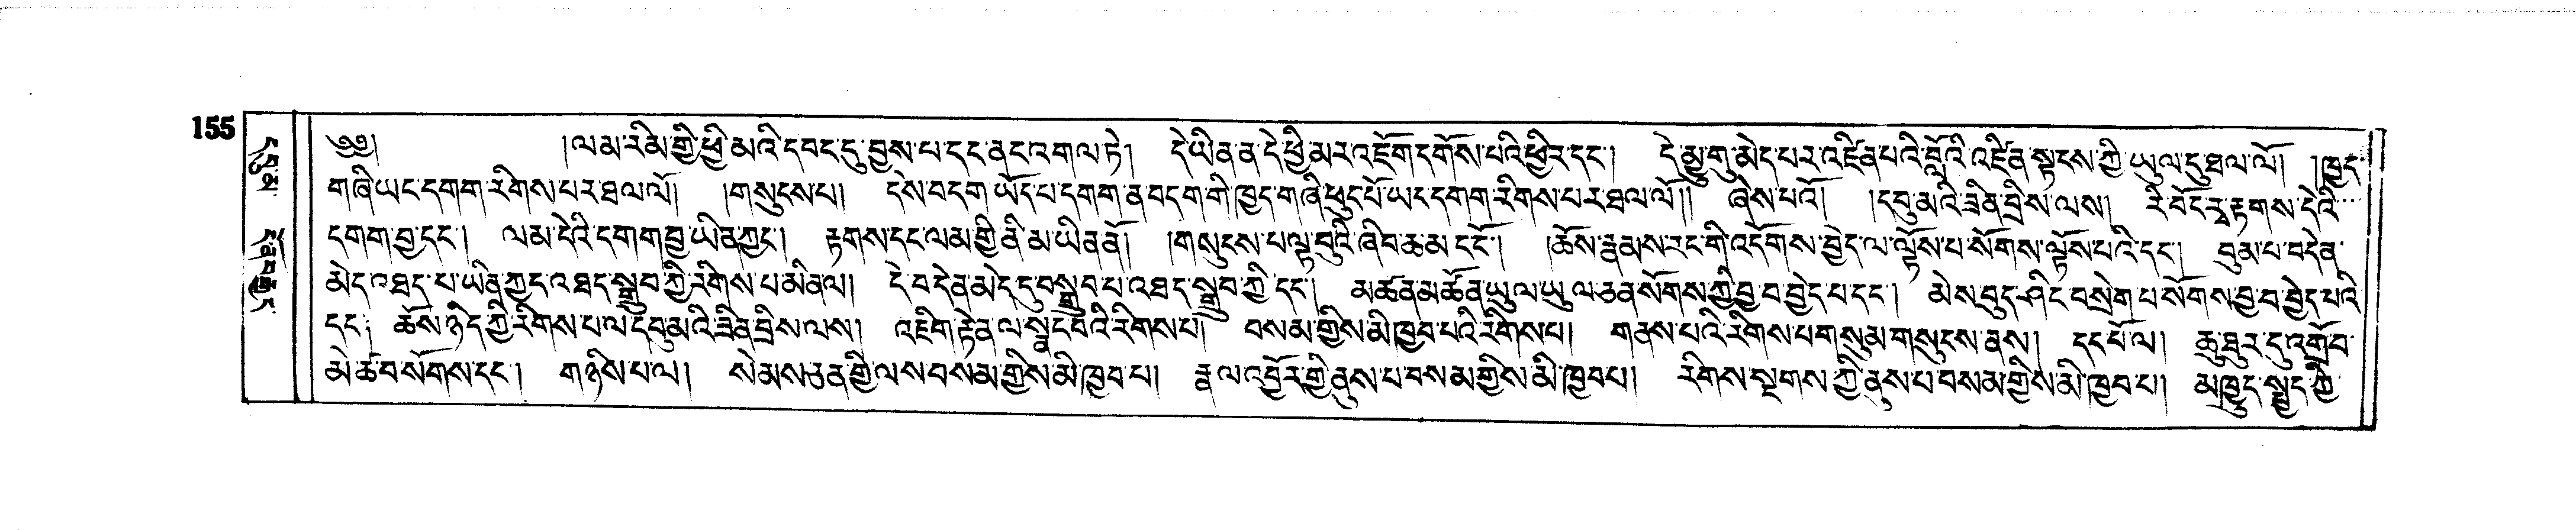༄༅། །ལམ་རིམ་གྱི་ཕྱི་མའི་དབང་དུ་བྱས་པ་དང་ནང་འགལ་ཏེ། དེ་ཡིན་ན་དེ་ཕྱི་མར་འཇོག་དགོས་པའི་ཕྱིར་དང་། དེ་མྱུ་གུ་མེད་པར་འཛིན་པའི་བློའི་འཛིན་སྟངས་ཀྱི་ཡུལ་དུ་ཐལ་ལོ། །ཁྱད་
གཞི་ཡང་དགག་རིགས་པར་ཐལ་ལོ། །གསུངས་པ། དེས་བདག་ཡོད་པ་དགག་ན་བདག་གི་ཁྱད་གཞི་ཕུང་པོ་ཡང་དགག་རིགས་པར་ཐལ་ལོ།། ཞེས་པའོ། །དབུ་མའི་ཟིན་བྲིས་ལས། རི་བོང་རྭ་རྟགས་དེའི་
དགག་བྱ་དང་། ལམ་དེའི་དགག་བྱ་ཡིན་ཀྱང་། རྟགས་དང་ལམ་གྱི་ནི་མ་ཡིན་ནོ། །གསུངས་པ་ལྟ་བུའི་ཞིབ་ཆ་མང་ངོ། །ཆོས་རྣམས་རང་གི་འདོགས་བྱེད་ལ་ལྟོས་པ་སོགས་ལྟོས་པའི་དང་། བུམ་པ་བདེན་
མེད་འཐད་པ་ཡིན་ཀྱང་འཐད་སྒྲུབ་ཀྱི་རིགས་པ་མིན་ལ། དེ་བདེན་མེད་དུ་བསྒྲུབ་པ་འཐད་སྒྲུབ་ཀྱི་དང་། མཚན་མཚོན་ཡུལ་ཡུལ་ཅན་སོགས་ཀྱི་བྱ་བ་བྱེད་པ་དང་། མེས་བུད་ཤིང་བསྲེག་པ་སོགས་བྱ་བ་བྱེད་པའི་
དང་། ཆོས་ཉིད་ཀྱི་རིགས་པ་ལ་དབུ་མའི་ཟིན་བྲིས་ལས། འཇིག་རྟེན་ལ་སྣང་བའི་རིགས་པ། བསམ་གྱིས་མི་ཁྱབ་པའི་རིགས་པ། གནས་པའི་རིགས་པ་གསུམ་གསུངས་ནས། དང་པོ་ལ། ཆུ་ཐུར་དུ་འགྲོ་བ་
མེ་ཚ་བ་སོགས་དང་། གཉིས་པ་ལ། སེམས་ཅན་གྱི་ལས་བསམ་གྱིས་མི་ཁྱབ་པ། རྣལ་འབྱོར་གྱི་ནུས་པ་བསམ་གྱིས་མི་ཁྱབ་པ། རིགས་སྔགས་ཀྱི་ནུས་པ་བསམ་གྱིས་མི་ཁྱབ་པ། མཁྱུད་སྤྱད་ཀྱི་